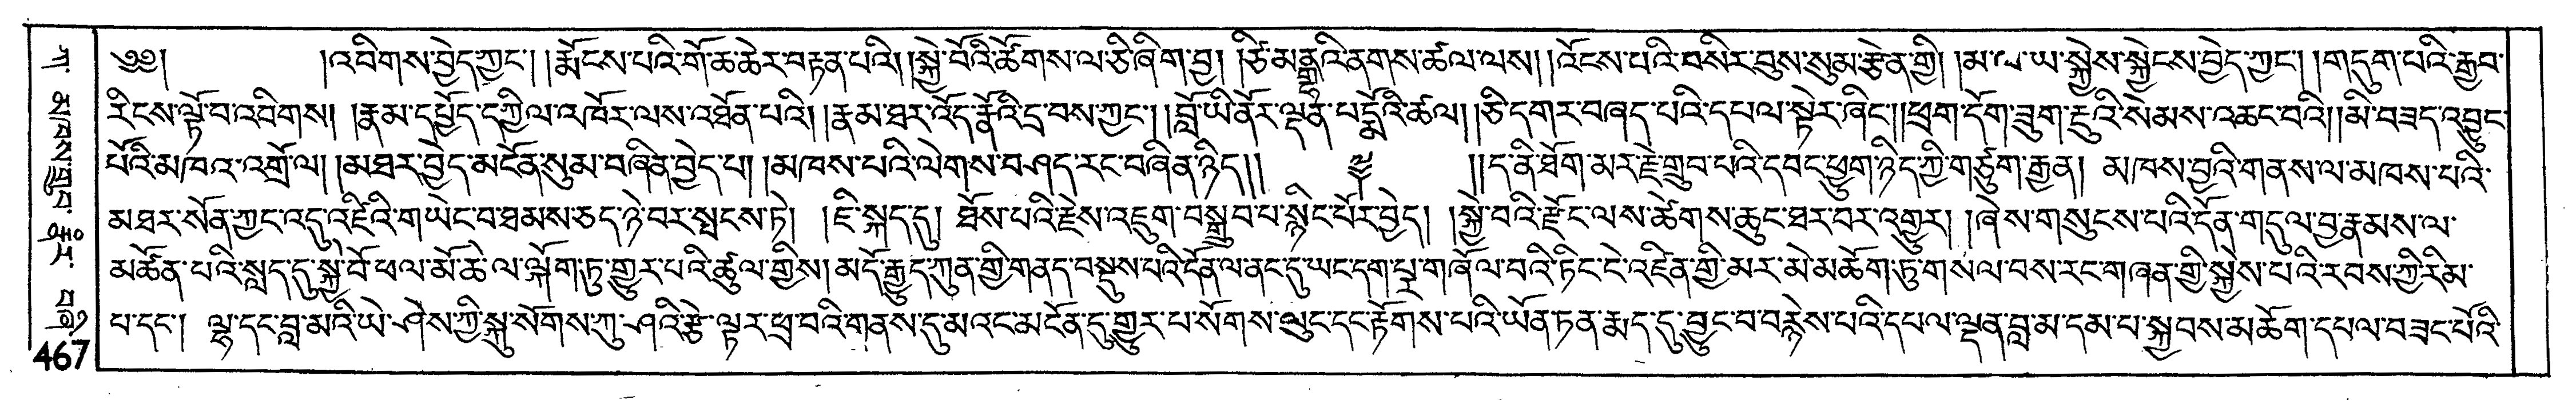༄༅། །འབིགས་བྱེད་ཀྱང་། །རྨོངས་པའི་གོ་ཆ་ཆེར་བརྟན་པའི། །སྐྱེ་བོའི་ཚོགས་ལ་ཅི་ཞིག་བྱ། །ཙི་མངྷའི་ནགས་ཚལ་ལས། །འོངས་པའི་བསིར་བུས་སུམ་རྩེན་གྱི། །མ་ལ་ཡ་སྐྱེས་སྐྱེངས་བྱེད་ཀྱང་། །གདུག་པའི་རྒྱབ་
རིངས་ལྟོ་བ་འབིགས། །རྣམ་དཔྱོད་དཀྱིལ་འཁོར་ལས་འཐོན་པའི། །རྣམ་ཐར་འོད་རྣོའི་དྲ་བས་ཀྱང་། །བློ་ཡི་ནོར་ལྡན་པདམོའི་ཚལ། །ཅི་དགར་བཞད་པའི་དཔལ་སྟེར་ཞིང་། །ཕྲག་དོག་ཟུག་རྔུའི་སེམས་འཆང་བའི། །མི་བཟད་འབྱུང་
པོའི་མཁའ་འགྲོ་ལ། །མཐར་བྱེད་མངོན་སུམ་བཞིན་བྱེད་པ། །མཁས་པའི་ལེགས་བཤད་རང་བཞིན་ཉིད།། ༈ །།ད་ནི་ཐོག་མར་རྗེ་གྲུབ་པའི་དབང་ཕྱུག་ཉིད་ཀྱི་གཙུག་རྒྱན། མཁས་བྱའི་གནས་ལ་མཁས་པའི་
མཐར་སོན་ཀྱང་འདུ་འཛིའི་གཡེང་བ་ཐམས་ཅད་ཉེ་བར་སྤངས་ཏེ། །ཇི་སྐད་དུ། ཐོས་པའི་རྗེས་འཇུག་བསྒྲུབ་པ་སྙིང་པོར་བྱེད། །སྐྱེ་བའི་རྫོང་ལས་ཚེགས་ཆུང་ཐར་བར་འགྱུར། །ཞེས་གསུངས་པའི་དོན་གདུལ་བྱ་རྣམས་ལ་
མཚོན་པའི་སླད་དུ་སྐྱེ་བོ་ཕལ་མོ་ཆེ་ལ་ལྐོག་ཏུ་གྱུར་པའི་ཚུལ་གྱིས། མདོ་རྒྱུད་ཀུན་གྱི་གནད་བསྡུས་པའི་དོན་ལ་ནང་དུ་ཡང་དག་པར་གཞོལ་བའི་ཏིང་ངེ་འཛིན་གྱི་མར་མེ་མཆོག་ཏུ་གསལ་བས་རང་གཞན་གྱི་སྐྱེས་པའི་རབས་ཀྱི་རིམ་
པ་དང་། ལྷ་དང་བླ་མའི་ཡེ་ཤེས་ཀྱི་སྐུ་སོགས་ཀུ་ཤའི་རྩེ་ལྟར་ཕྲ་བའི་གནས་དུ་མའང་མངོན་དུ་གྱུར་པ་སོགས་ལུང་དང་རྟོགས་པའི་ཡོན་ཏན་རྨད་དུ་བྱུང་བ་བརྙེས་པའི་དཔལ་ལྡན་བླ་མ་དམ་པ་སྐྱབས་མཆོག་དཔལ་བཟང་པོའི་